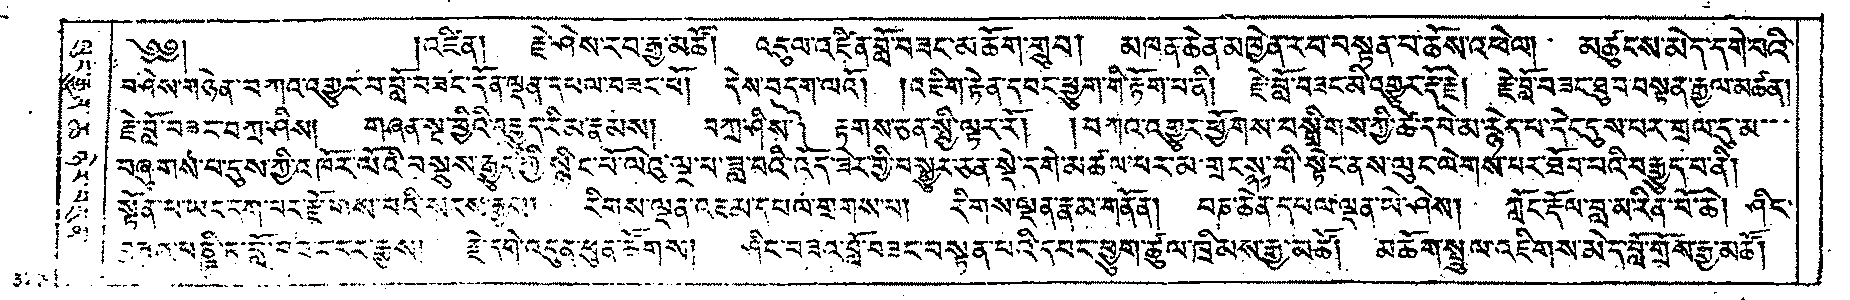༄༅། །འཛིན། རྗེ་ཤེས་རབ་རྒྱ་མཚོ། འདུལ་འཛིན་བློ་བཟང་མཆོག་གྲུབ། མཁན་ཆེན་མཁྱེན་རབ་བསྟན་པ་ཆོས་འཕེལ། མཚུངས་མེད་དགེ་བའི་
བཤེས་གཉེན་བཀའ་འགྱུར་བ་བློ་བཟང་དོན་ལྡན་དཔལ་བཟང་པོ། དེས་བདག་ལའོ། །འཇིག་རྟེན་དབང་ཕྱུག་གི་རྟོག་པ་ནི། རྗེ་བློ་བཟང་མི་འགྱུར་རྡོ་རྗེ། རྗེ་བློ་བཟང་ཐུབ་བསྟན་རྒྱལ་མཚན།
རྗེ་བློ་བཟང་བཀྲ་ཤིས། གཞན་སྔ་ཕྱིའི་བརྒྱུད་རིམ་རྣམས། བཀྲ་ཤིས྄་རྟགས་ཅན་སྤྱི་ལྟར་རོ། །བཀའ་འགྱུར་ཕྱོགས་བསྒྲིགས་ཀྱི་ཚེ་དཔེ་མ་རྙེད་པ་དེང་དུས་པར་གྲལ་དུ་མ་
བཞུགས་པ་དུས་ཀྱི་འཁོར་ལོའི་བསྡུས་རྒྱུད་ཀྱི་སྙིང་པོ་ལེའུ་ལྔ་པ་ཟླ་བའི་འོད་ཟེར་གྱི་བསྒྱུར་ཅན་སྡེ་དགེ་མཚལ་པར་མ་གྲངས ༢༡་གི་སྟེང་ནས་ལུང་ལེགས་པར་ཐོབ་པའི་བརྒྱུད་པ་ནི།
སྟོན་པ་ཡང་དག་པར་རྫོགས་པའི་སངས་རྒྱས། རིགས་ལྡན་འཇམ་དཔལ་གྲགས་པ། རིགས་ལྡན་རྣམ་གནོན། པཎ་ཆེན་དཔལ་ལྡན་ཡེ་ཤེས། ཀློང་རྡོལ་བླ་མ་རིན་པོ་ཆེ། ཤིང་
བཟའ་པཎྜི་ཏ་བློ་བཟང་དར་རྒྱས། རྗེ་དགེ་འདུན་ཕུན་ཚོགས། ཤིང་བཟའ་བློ་བཟང་བསྟན་པའི་དབང་ཕྱུག་ཚུལ་ཁྲིམས་རྒྱ་མཚོ། མཆོག་སྤྲུལ་འཇིགས་མེད་བློ་གྲོས་རྒྱ་མཚོ།